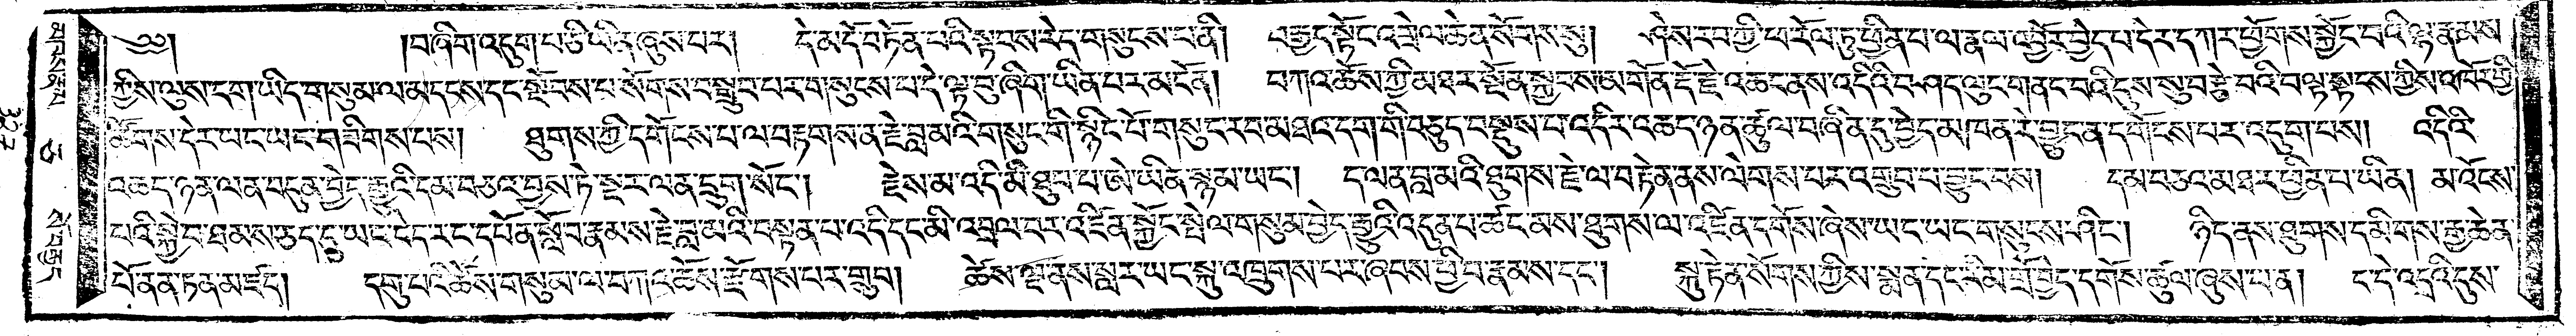༄༅། །བ་ཞིག་འདུག་པ་ཅི་ཡིན་ཞུས་པར། དེ་མདོ་བཏོན་པའི་སྟབས་རེད་གསུངས་པ་ནི། བརྒྱད་སྟོང་འགྲེལ་ཆེན་སོགས་སུ། ཤེས་རབ་ཀྱི་ཕ་རོལ་ཏུ་ཕྱིན་པ་ལ་རྣལ་འབྱོར་བྱེད་པ་དེར་དཀར་ཕྱོགས་སྐྱོང་བའི་ལྷ་རྣམས་
ཀྱིས་ལུས་ངག་ཡིད་གསུམ་ལ་མདངས་དང་སྔོབས་བ་སོགས་བསྒྲུབ་པར་གསུངས་པ་དེ་ལྟ་བུ་ཞིག་ཡིན་པར་མངོན། བཀའ་ཆོས་ཀྱི་མཐར་སྔོན་སྐྱབས་མགོན་སྐྱབས་མགོན་རྡོ་རྗེ་འཆང་ནས་འདིའི་བཤད་ལུང་གནང་བའི་དུས་སུ་བརྩེ་བའི་བལྟ་སྟངས་ཀྱིས་འཁོར་གྱི་
ཚོགས་དེང་ཡང་ཡང་གཟིགས་པས། ཐུགས་ཀྱི་དགོངས་པ་ལ་བརྟགས་ན་རྗེ་བླ་མའི་གསུང་གི་སྙིང་པོ་གསུང་རབ་མཐའ་དག་གི་བཅུད་བསྡུས་པ་འདིར་འཆད་ཉན་ཚུལ་བཞིན་དུ་བྱེད་མཁན་རེ་བྱུང་ན་དགོངས་པར་འདུག་པས། འདིའི་
འཆད་ཉན་ལན་བདུན་བྱེད་རྒྱུའི་དམ་བཅའ་བྱས་ཏེ་སྔར་ལན་དྲུག་སོང་། རྗེས་མ་འདི་མི་ཐུབ་པ་ཨེ་ཡིན་སྙམ་ཡང་། ད་ལན་བླ་མའི་ཐུགས་རྗེ་ལ་བརྟེན་ནས་ལེགས་པར་འགྲུབ་པ་བྱུང་བས། དམ་བཅའ་མཐར་ཕྱིན་པ་ཡིན། མ་འོངས་
པའི་སྐྱེ་བ་ཐམས་ཅད་དུ་ཡང་ངེད་རང་དཔོན་སློབ་རྣམས་རྗེ་བླ་མའི་བསྟན་པ་འདི་དང་མི་འབྲལ་བར་འཛིན་སྐྱོང་སྤེལ་གསུམ་བྱེད་རྒྱུའི་འདུན་པ་ཚང་མས་ཐུགས་ལ་འཛིན་དགོས་ཞེས་ཡང་ཡང་གསུངས་ཤིང་། ཉིད་ནས་ཐུགས་དམིགས་རྒྱ་ཆེན་
ཕོ་ནན་ཏན་མཛད། དགུ་པའི་ཚེས་གསུམ་ལ་བཀའ་ཆོས་རྫོགས་པར་གྲུབ། ཚེས་ལྔ་ནས་སླར་ཡང་སྐུ་འཁྲུགས་པར་ཞབས་ཕྱི་བ་རྣམས་དང་། སྐུ་རྟེན་སོགས་ཀྱིས་སྨན་དང་རིམ་གྲོ་བྱེད་དགོས་ཚུལ་ཞུས་པ་ན། ང་དེ་འདྲའི་དུས་